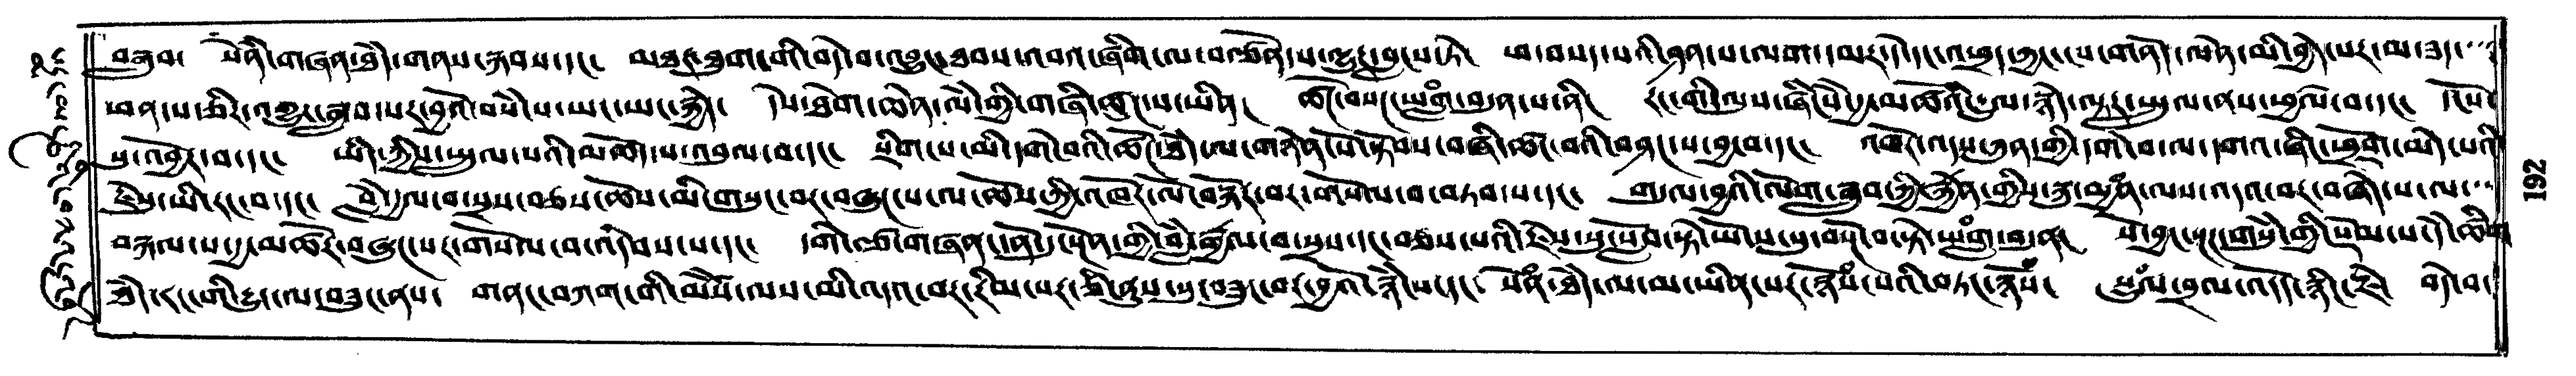བསྒྲུབ། སེམས་ཅན་གཞན་ཐམས་ཅད་གནས་སྐབས་དང་། མཐར་ཐུག་གི་བདེ་བ་འབྱུང་ཐབས་འབའ་ཞིག་ལ་བརྩོན་པ་ལྷུར་བླངས་ཏེ། ཕ་བསད་པའི་ཤན་པ་ལག་དམར་དེ་དང་འཕྲད་ཀྱང་ངས་གནོད་ལེན་མི་བྱེད་པར་མ་ཟད་
ཕན་པ་ཅིར་འགྱུར་སྒྲུབ་པར་བྱའོ་བསམ་པ་ཡང་ཡང་སྐྱེད། དེས་ཐེག་ཆེན་ལམ་གྱི་གཞི་ཚུགས་པ་ཡིན། ཚོགས་བསགས་ཡན་ལག་བདུན་པ་ནི། རང་གི་ལུས་ཞིང་ཁམས་རྒྱ་མཚོའི་རྡུལ་སྙེད་ལྟར་སྤྲུལ་ནས་ཕྱག་འཚལ་བ་དང་། དངོས་
སུ་འབྱོར་བ་དང་། ཡིད་ཀྱིས་སྤྲུལ་པའི་མཆོད་པ་འབུལ་བ་དང་། སྡིག་པ་མི་དགེ་བའི་ཚོགས་ཐམས་ཅད་ལ་གཉེན་པོ་སྟོབས་བཞི་ཚང་བའི་བཤགས་པ་བྱ་བ་དང་། འཁོར་འདས་ཀུན་ཀྱི་དགེ་བ་ལ་དགའ་ཞིང་ཕྲག་དོག་མེད་པའི་
རྗེས་སུ་ཡི་རང་བ་དང་། བླ་མ་རྒྱལ་བ་སྲས་བཅས་ཆོས་མི་གསུང་བར་བཞུགས་པ་ལ་ཆོས་ཀྱི་འཁོར་ལོ་བསྐོར་བར་གསོལ་བ་འདེབས་པ་དང་། གདུལ་བྱའི་ལོག་སྒྲུབ་ཀྱི་རྐྱེན་གྱིས་སྐུ་མྱ་ངན་ལས་འདའ་བར་བཞེད་པ་ལ་
བསྐལ་པ་རྒྱ་མཚོར་བཞུགས་པར་གསོལ་བ་འདེབས་པ་དང་། དགེ་རྩ་གཞན་དོན་དུ་སྔོན་གྱི་བླ་མ་རྒྱལ་བ་སྲས་དང་བཅས་པའི་རྗེས་སུ་སླབ་སྟེ་ཡོངས་སུ་བསྔོ་བ་སྟེ་ཡན་ལག་བདུན། སོ་བྱང་སྔགས་གསུམ་གྱི་སྡོམ་པ་དམ་ཚིག་
ཐམས་ཅད་རང་གི་རྒྱུད་ལ་བཟུང་ནས། གནང་བཀག་གི་མཚམས་ལས་མི་འདའ་བར་རིམ་པར་ཅི་ནུས་སུ་བཟུང་བར་བྱའོ་སྙམ་པ་དང་། སེམས་ཅན་ཐམས་ཅད་ལ་མ་ཡིན་པར་སྙམ་པའི་བཏང་སྙོམས། སྡུག་བསྔལ་བྲལ་འདོད་སྙིང་རྗེ།བདེ་བ་